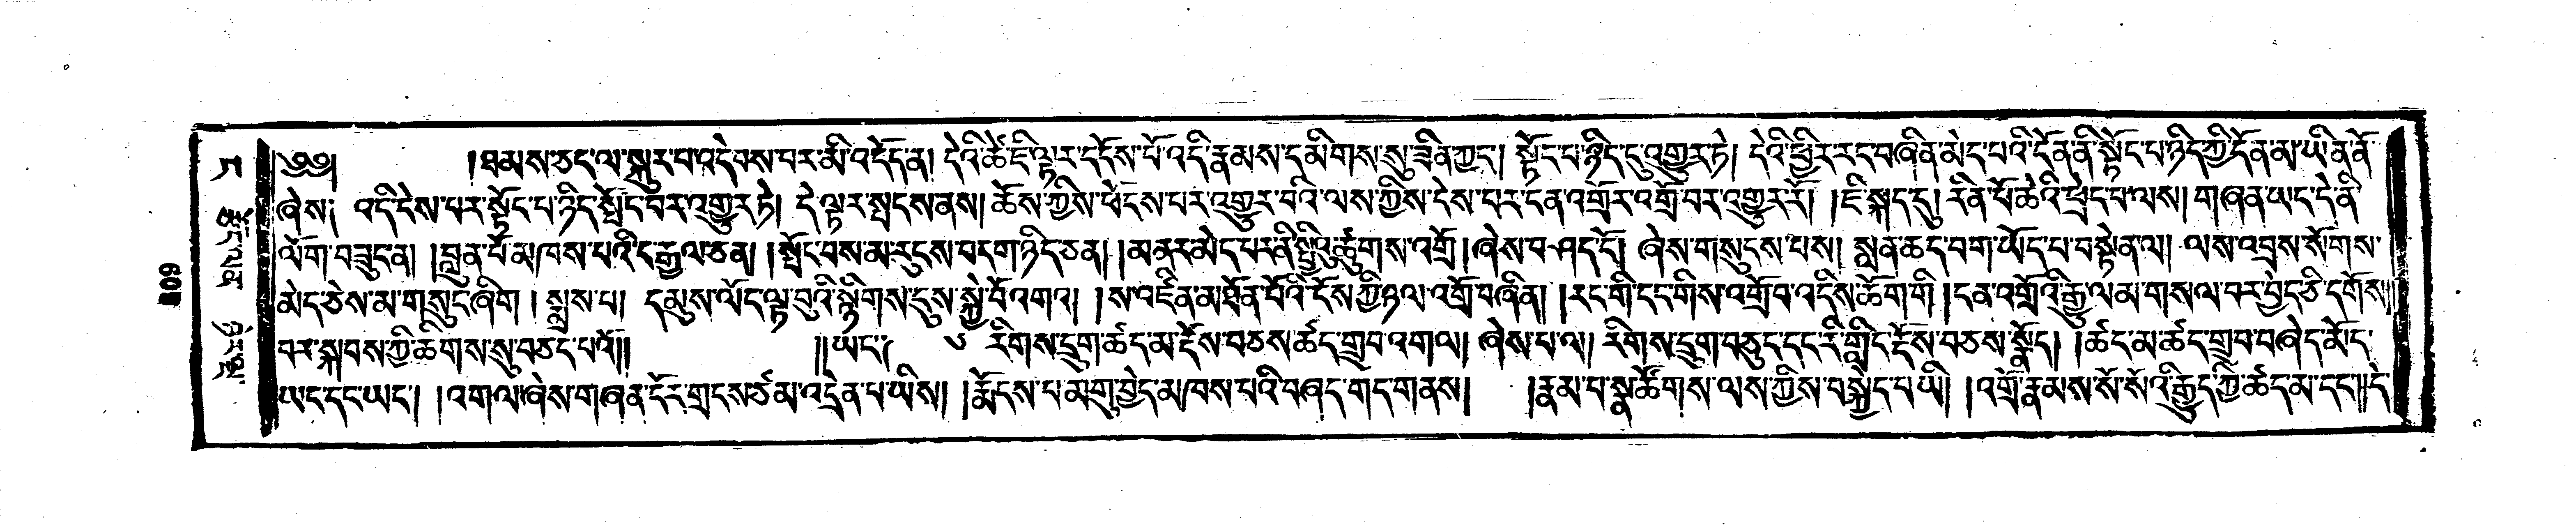༄༅། །ཐམས་ཅད་ལ་སྐུར་བ་འདེབས་པར་མི་འདོད་ན། དེའི་ཚེ་ཇི་ལྟར་དངོས་པོ་འདི་རྣམས་དམིགས་སུ་ཟིན་ཀྱང་། སྟོང་པ་ཉིད་དུ་འགྱུར་ཏེ། དེའི་ཕྱིར་རང་བཞིན་མེད་པའི་དོན་ནི་སྟོང་པ་ཉིད་ཀྱི་དོན་མ་ཡིན་ནོ་
ཞེས། འདི་ངེས་པར་སྟོང་པ་ཉིད་སྤོང་བར་འགྱུར་ཏེ། དེ་ལྟར་སྤངས་ནས། ཆོས་ཀྱིས་ཕོངས་པར་འགྱུར་བའི་ལས་ཀྱིས་ངེས་པར་ངན་འགྲོར་འགྲོ་བར་འགྱུར་རོ། །ཇི་སྐད་དུ། རིན་པོ་ཆེའི་ཕྲེང་བ་ལས། གཞན་ཡང་དེ་ནི་
ལོག་བཟུང་ན། །བླུན་པོ་མཁས་པའི་ང་རྒྱལ་ཅན། །སྤོང་བས་མ་རུངས་བདག་ཉིད་ཅན། །མནར་མེད་པར་ནི་སྤྱིའུ་ཚུགས་འགྲོ། ཞེས་བཤད་དོ། ཞེས་གསུངས་པས། སླན་ཆད་བག་ཡོད་པ་བསྟེན་ལ། ལས་འབྲས་སོགས་
མེད་ཅེས་མ་གསུང་ཞིག །སྨྲས་པ། དམུས་ལོང་ལྟ་བུའི་སྙིགས་དུས་སྐྱེ་བོ་འགའ། །ས་འཛིན་མཐོན་པོའི་ངོས་ཀྱི་ཉལ་འགྲོ་བཞིན། །རང་གི་རང་གིས་འགྲོ་བ་འདིས་ཆོག་གི །ངན་འགྲོའི་རྒྱུ་ལམ་གསལ་བར་བྱེད་ཅི་དགོས། །
བར་སྐབས་ཀྱི་ཚིགས་སུ་བཅད་པའོ།། །།ཡང༑ ༦་རིགས་དྲུག་ཚད་མ་རྡོས་བཅས་ཚད་གྲུབ་འགལ། ཞེས་པ་ལ། རིགས་དྲུག་བཅུད་དང་རི་གླིང་རྡོས་བཅས་སྣོད། །ཚད་མ་ཚད་གྲུབ་བཞེད་མོད་
ཡང་དང་ཡང་། །འགལ་ཞེས་གཞན་ངོར་གྲངས་ཙམ་འདྲེན་པ་ཡིས། །རྨོངས་པ་མགུ་བྱེད་མཁས་པའི་བཞད་གད་གནས། །རྣམ་པ་སྣ་ཚོགས་ལས་ཀྱིས་བསྐྱེད་པ་ཡི། །འགྲོ་རྣམས་སོ་སོའི་རྒྱུད་ཀྱི་ཚད་མ་དང་། །དེ་